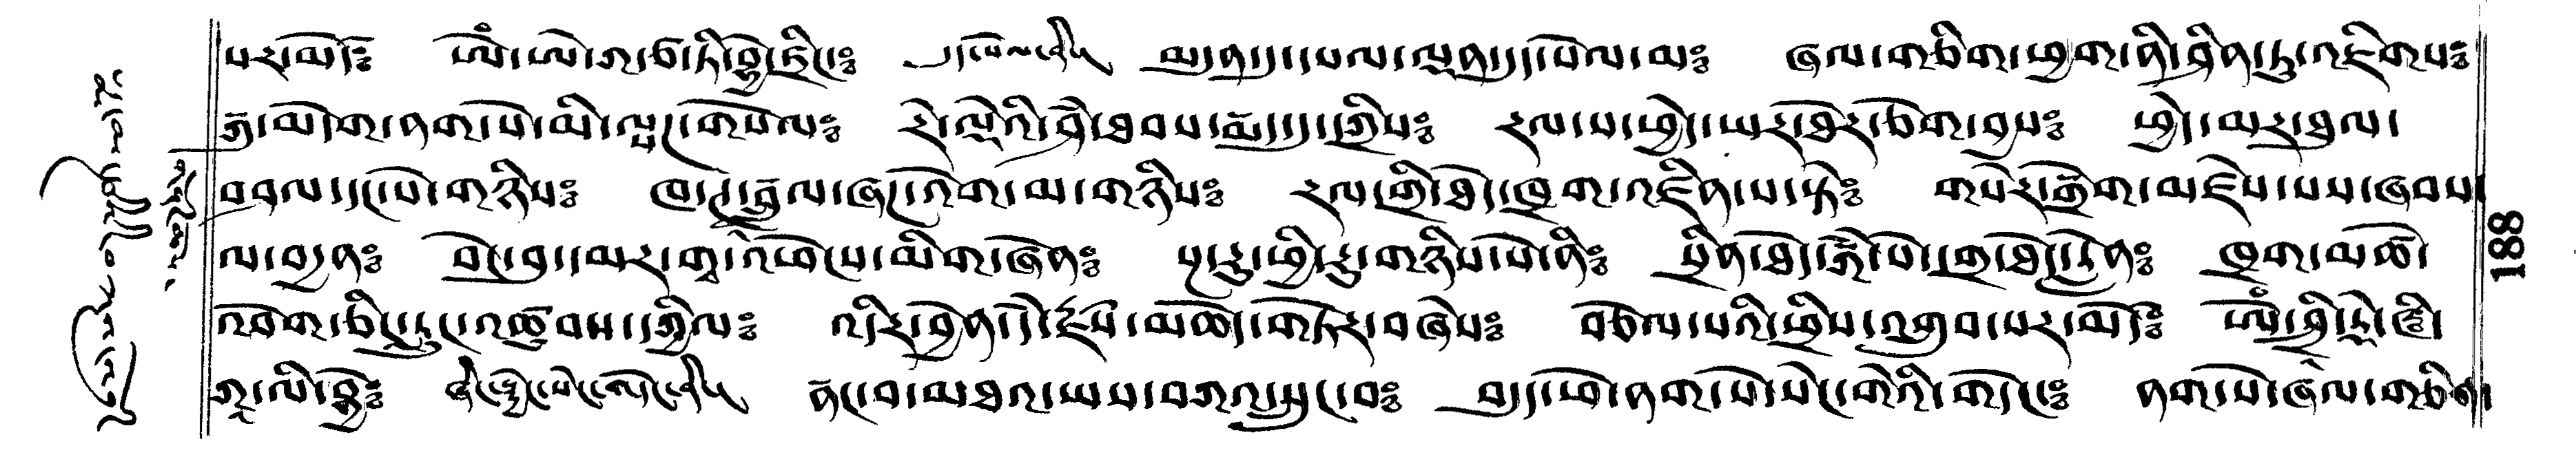པར་མཛོད༔ ཨོཾ་ཨེ་ཀ་ཙ་ཏི་བྷྱོ་ཧྲིང༔ དུད་སོལ་ནི། མདུན་དུ་དཔལ་ལྡན་དུད་སོལ་མ༔ ཞལ་གཅིག་ཕྱག་ནི་ཤིན་ཏུ་འཇིགས༔ 
སྐུ་མདོག་ནག་པོ་མི་ལྤགས་གསོལ༔ རེ་ལྡེའི་ཤམ་ཐབས་སྨད་དུ་དཀྲིས༔ རལ་པ་ཕྱེད་ཡར་ཐོར་ཅོག་བྱས༔ ཕྱེད་མར་ཐུར་
ཤལ་དང་པོ་གཉིས༔ ཁ་ཊྭཾའ་སྦྲུལ་ཞགས་འོག་མ་གཉིས༔ རལ་གྲི་ཐོད་ཁྲག་འཛིན་པ་སྟེ༔ གསེར་སྒྲོག་མཛེས་པས་ཞབས་
ལ་བརྒྱན༔ བོང་བུ་དམར་གྭ་འཕོངས་མིག་ཞོན༔ སྔ་རུ་ཕྱི་རུ་གཉིས་པོ་ནི༔ སྲིན་ཐོད་སྐམ་པོ་དགྲ་ཐོད་རློན༔ ཁྲག་མཚོ་
འབོག་ཅིང་རླུང་ཚུབ་དཀྱིལ༔ འདིར་བྱོན་དམ་རྫས་མཆོད་གཏོར་བཞེས༔ བཅོལ་པའི་ཕྲིན་ལས་འགྲུབ་པར་མཛོད༔ ཨོཾ་ཤྲཱི་དྷེ་ཝི་
ཀཱ་ལི་བྷྱོ༔ ཞིང་སྐྱོང་སེང་གདོང་ནི། སྣང་བ་མཐའ་ཡས་བཀའ་སྲུང་བ༔ བདུད་ཕོ་ནག་པོ་སེང་གེའི་གདོང༔ ནག་པོ་ཞལ་གཅིག་